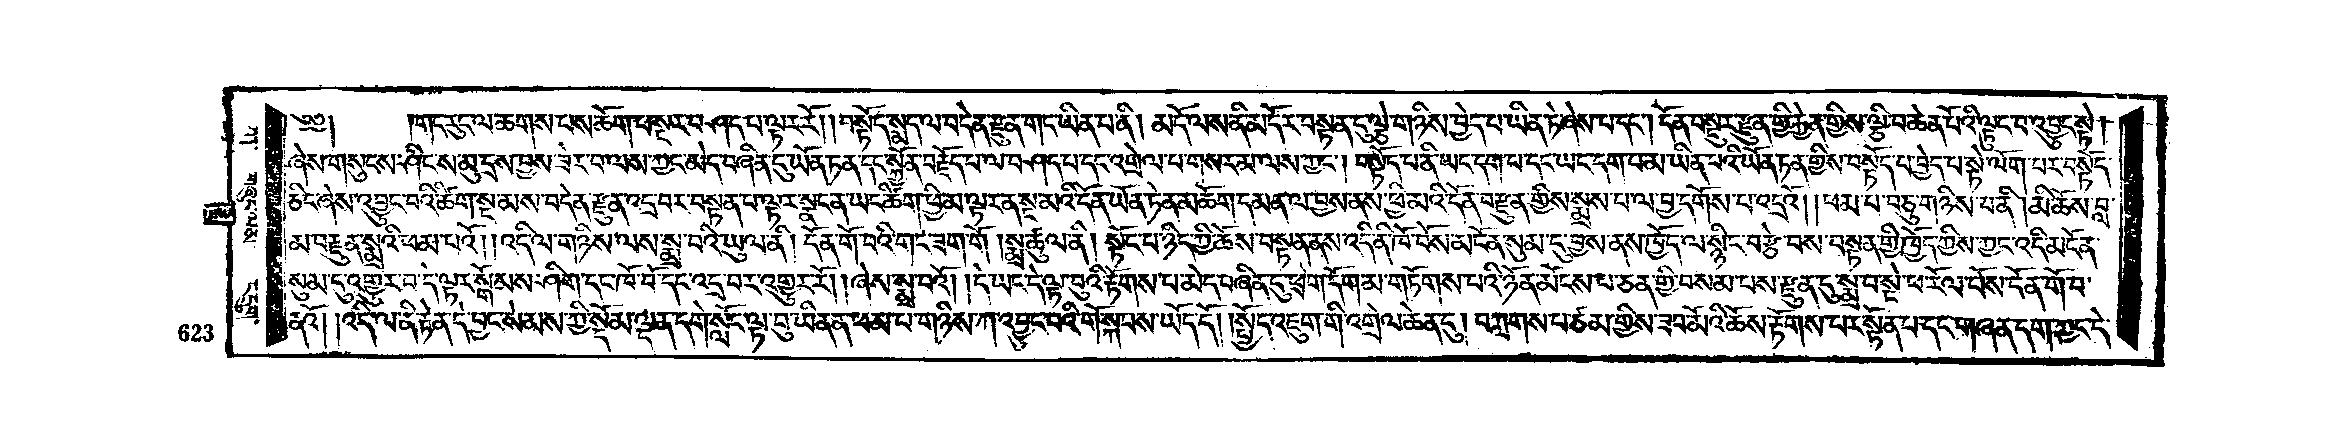༄༅། །གང་རུང་ལ་ཆགས་པས་ཆོག་པ་སྔར་བཤད་པ་ལྟར་རོ། །བསྟོད་སྨད་ལ་བདེན་རྫུན་གང་ཡིན་པ་ནི། མདོ་ལས་ནི་མདོར་བསྟན་དུ་ལྕེ་གཉིས་བྱེད་པ་ཡིན་ཏེ་ཞེས་པ་དང་། དོན་བསྡུར་རྫུན་གྱི་རྐྱེན་གྱིས་ལྕི་བ་ཆེན་པོའི་ལྟུང་བ་འབྱུང་སྟེ།
ཞེས་གསུངས་ཤིང་ས་མུ་དྲས་བྱས་ཟེར་བ་ལས་ཀྱང་མེད་བཞིན་དུ་ཡོན་ཏན་དང་སྐྱོན་བརྗོད་པ་ལ་བཤད་པ་དང་འགྲེལ་པ་གསར་མ་ལས་ཀྱང་། བསྟོད་པ་ནི་ཡང་དག་པ་དང་ཡང་དག་པ་མ་ཡིན་པའི་ཡོན་ཏན་གྱིས་བསྟོད་པ་བྱེད་པ་སྟེ་ལོག་པར་བསྟོད་
ཅིང་ཞེས་འབྱུང་བའི་ཚིག་སྔ་མས་བདེན་རྫུན་འདྲ་བར་བསྟན་པ་ལྟར་སྣང་ན་ཡང་ཚིག་ཕྱི་མ་ལྟར་ན་སྔ་མའི་དོན་ཡོན་ཏེན་མཆོག་དམན་ལ་བྱས་ནས་ཕྱི་མའི་དོན་བརྫུན་གྱིས་སྨྲས་པ་ལ་བྱ་དགོས་པ་འདྲའོ། །ཕམ་པ་བཅུ་གཉིས་པ་ནི། མི་ཆོས་བླ་
མ་བརྫུན་སྨྲའི་ཕམ་པའོ། །འདི་ལ་གཉིས་ལས་སྨྲ་བའི་ཡུལ་ནི། དོན་གོ་བའི་གང་ཟག་གོ །སྨྲ་ཚུལ་ནི། སྟོང་པ་ཉིད་ཀྱི་ཆོས་བསྟན་ནས་འདི་ནི་ཁོ་བོས་མངོན་སུམ་དུ་བྱས་ནས་ཁྱོད་ལ་སྙིང་བརྩེ་བས་བསྟན་གྱི་ཁྱོད་ཀྱིས་ཀྱང་འདི་མངོན་
སུམ་དུ་འགྱུར་བ་དེ་ལྟར་སྒོམས་ཤིག་དང་ཁོ་བོ་དང་འདྲ་བར་འགྱུར་རོ། །ཞེས་སྨྲ་བའོ། །དེ་ཡང་དེ་ལྟ་བུའི་རྟོགས་པ་མེད་བཞིན་དུ་ཕྲག་དོག་མ་གཏོགས་པའི་ཉོན་མོངས་པ་ཅན་གྱི་བསམ་པས་རྫུན་དུ་སྨྲ་བ་སྔེ་ཕ་རོལ་པོས་དོན་གོ་བ་
ནའོ། །འདི་ལ་ནི་རྟེན་དེ་བྱང་སེམས་ཀྱི་སྡོམ་ལྡན་དགེ་སློང་ལྟ་བུ་ཡིན་ན་ཕམ་པ་གཉིས་ཀ་འབྱུང་བའི་གོ་སྐབས་ཡོད་དོ། །སྤྱོད་འཇུག་གི་འགྲེལ་ཆེན་དུ། བཀླགས་པ་ཙམ་གྱིས་ཟབ་མོའི་ཆོས་རྟོགས་པར་སྟོན་པ་དང་གཞན་དག་ཀྱང་དེ་